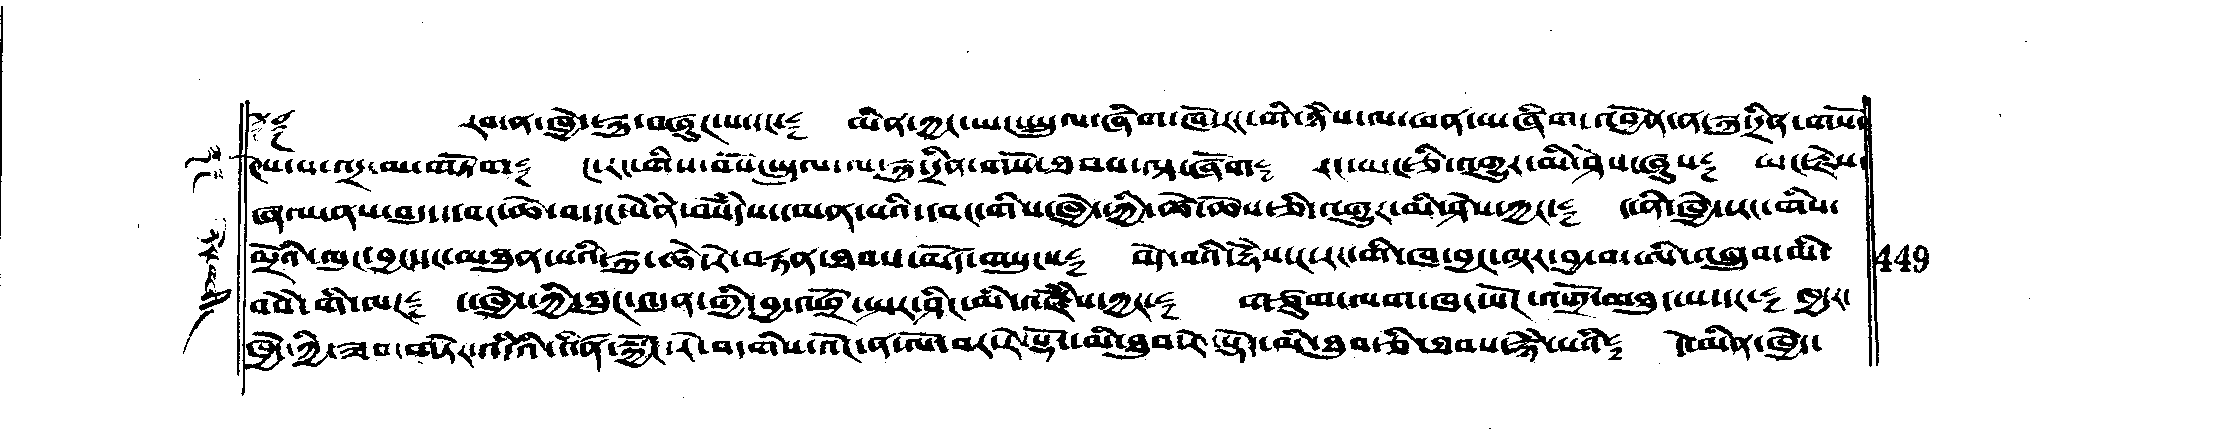རབ་ན་ཁྱེད་སྐུ་བཞུགས་པ་དང་། མིན་ཀྱང་ཡང་སྤྲུལ་ཞིག་ཁོ་རང་གི་ཉམས་ལ་ཕན་པ་ཞིག་འབྱོན་ན་སྐུ་དྲིན་གསོ་
ངེས་པ་འདྲ་མ་གཏོགས། ང་རང་གིས་བསོ་སྤྲུལ་ལ་སྐུ་དྲིན་གསོ་ཐབས་ལྟ་ཞོག རང་ཡང་ཅི་འགྱུར་མི་ཤེས་ཞུས། ཡང་རྗེའི་
ཞལ་ནས་བདུད་དབང་ཆེ་བ་དང་སེམས་ཅན་བསོད་ནམས་དམན་པའི་དབང་གིས་ཁྱེད་ཀྱི་ཚེ་ཆོས་ཅི་འགྱུར་མི་ཤེས་ཀྱང་། ད་ནི་ཁྱེད་རང་གིས་
མཁའ་འགྲོའི་ལུང་བྱང་དང་མཐུན་པའི་སྐུ་ཚེ་རེ་བརྟན་ཐབས་མཛོད་གསུངས། བདེ་བའི་རྡོ་རྗེས་ང་རང་གི་ཁ་བྱང་ལྟར་བྱ་བ་ཨི་འགྲུབ་མི་
བསམ་གི་ལགས། ད་ཁྱེད་ཀྱི་ཐུགས་འདུན་གྱི་བྱ་འཕྲོ་སྤར་ཤིང་མི་འཛོམས་ཀྱང་། གཙུག་ལག་ཁང་སོགས་འཕྲོ་མཐུད་པ་དང་། ཁྱད་པར་
ཁྱེད་ཀྱི་ཟབ་གཏེར་འདིའི་འཛིན་སྐྱོང་རེ་བདག་གིས་འོང་ན་ལོ་བར་རེ་སྡོད་མི་ཐུབ་རེ་སྡོད་མི་ཐུབ་ཅི་ཐབས་སྙམ་པའི། དེ་མིན་ཁྱེད་